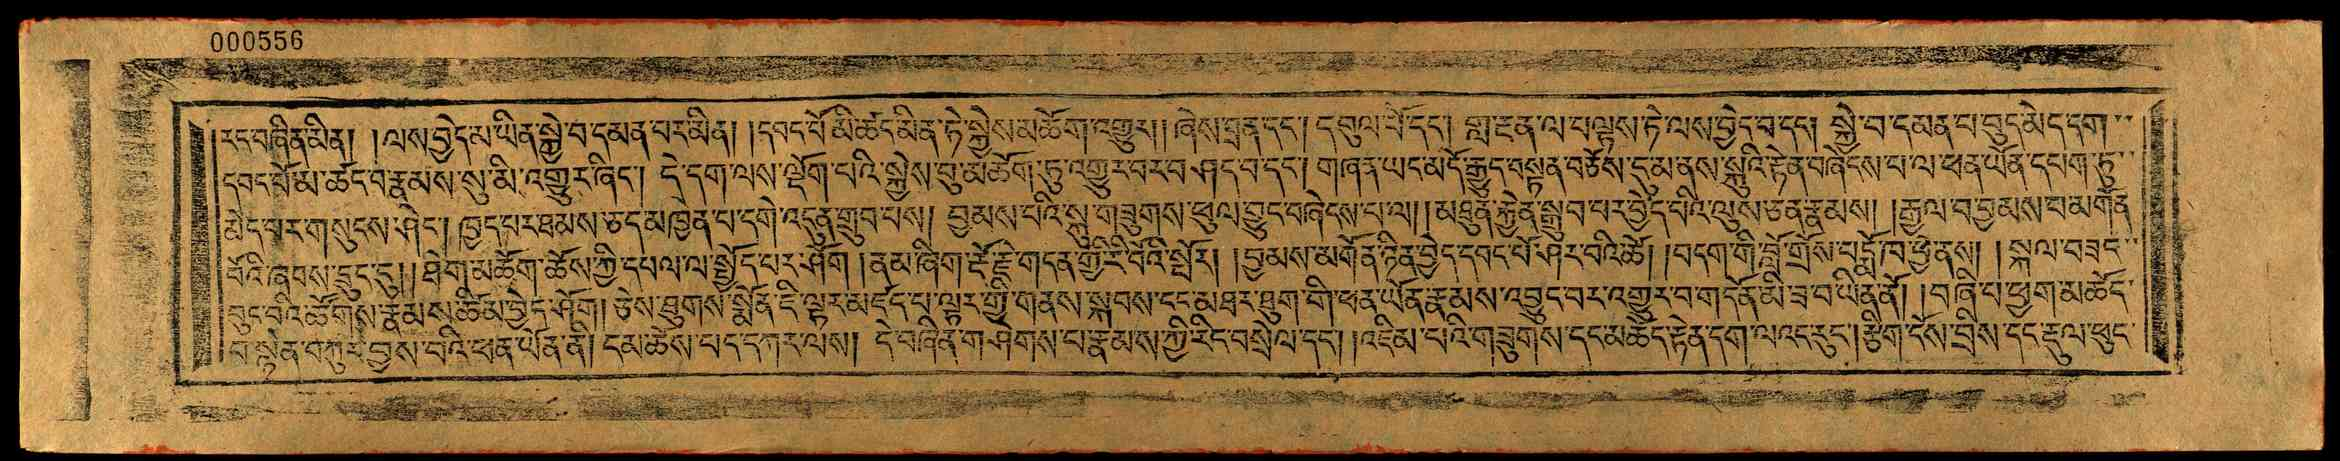རང་བཞིན་མིན། །ལས་བྱེད་མ་ཡིན་སྐྱེ་བ་དམན་པར་མིན། །དབང་པོ་མ་ཚང་མིན་ཏེ་སྐྱེས་མཆོག་འགྱུར། །ཞེས་བྲན་དང་། དབུལ་པོ་དང་། གླ་རྔན་ལ་བལྟས་ཏེ་ལས་བྱེད་པ་དང་། སྐྱེ་བ་དམན་པ་བུད་མེད་དང་།
དབང་པོ་མ་ཚང་བ་རྣམས་སུ་མི་འགྱུར་ཞིང་། དེ་དག་ལས་ལྡོག་པའི་སྐྱེས་བུ་མཆོག་ཏུ་འགྱུར་བར་བཤད་པ་དང་། གཞན་ཡང་མདོ་རྒྱུད་བསྟན་བཅོས་དུ་མ་ནས་སྐུའི་རྟེན་བཞེངས་པ་ལ་ཕན་ཡོན་དཔག་ཏུ་
མེད་པར་གསུངས་ཤིང་། ཁྱད་པར་ཐམས་ཅད་མཁྱེན་པ་དགེ་འདུན་གྲུབ་པས། བྱམས་པའི་སྐུ་གཟུགས་ཕུལ་བྱུང་བཞེངས་པ་ལ། །མཐུན་རྐྱེན་སྒྲུབ་པར་བྱེད་པའི་ལུས་ཅན་རྣམས། །རྒྱལ་བ་བྱམས་པ་མགོན་
པོའི་ཞབས་དྲུང་དུ། །ཐེག་མཆོག་ཆོས་ཀྱི་དཔལ་ལ་སྤྱོད་པར་ཤོག །ནམ་ཞིག་རྡོ་རྗེ་གདན་གྱི་རི་བོའི་སྤོར། །བྱམས་མགོན་ཉིན་བྱེད་དབང་པོ་ཤར་བའི་ཚེ། །བདག་གི་བློ་གྲོས་པདམོ་ཁ་བྱི་ནས། །སྐལ་བཟང་
བུང་བའི་ཚོགས་རྣམས་ཚིམ་བྱེད་ཤོག། ཅེས་ཐུགས་སྨོན་ཇི་ལྟར་མཛད་པ་ལྟར་གྱི་གནས་སྐབས་དང་མཐར་ཐུག་གི་ཕན་ཡོན་རྣམས་འབྱུང་བར་འགྱུར་བ་གདོན་མི་ཟ་བ་ཡིན་ནོ། །བཞི་པ་ཕྱག་མཆོད་
བསྙེན་བཀུར་བྱས་པའི་ཕན་ཡོན་ནི། དམ་ཆོས་པད་དཀར་ལས། དེ་བཞིན་གཤེགས་པ་རྣམས་ཀྱི་རིང་བསྲེལ་དང་། །འཇིམ་པའི་གཟུགས་དང་མཆོད་རྟེན་དག་ལའང་རུང་། །རྩིག་ངོས་བྲིས་དང་རྡུལ་ཕུང་་་